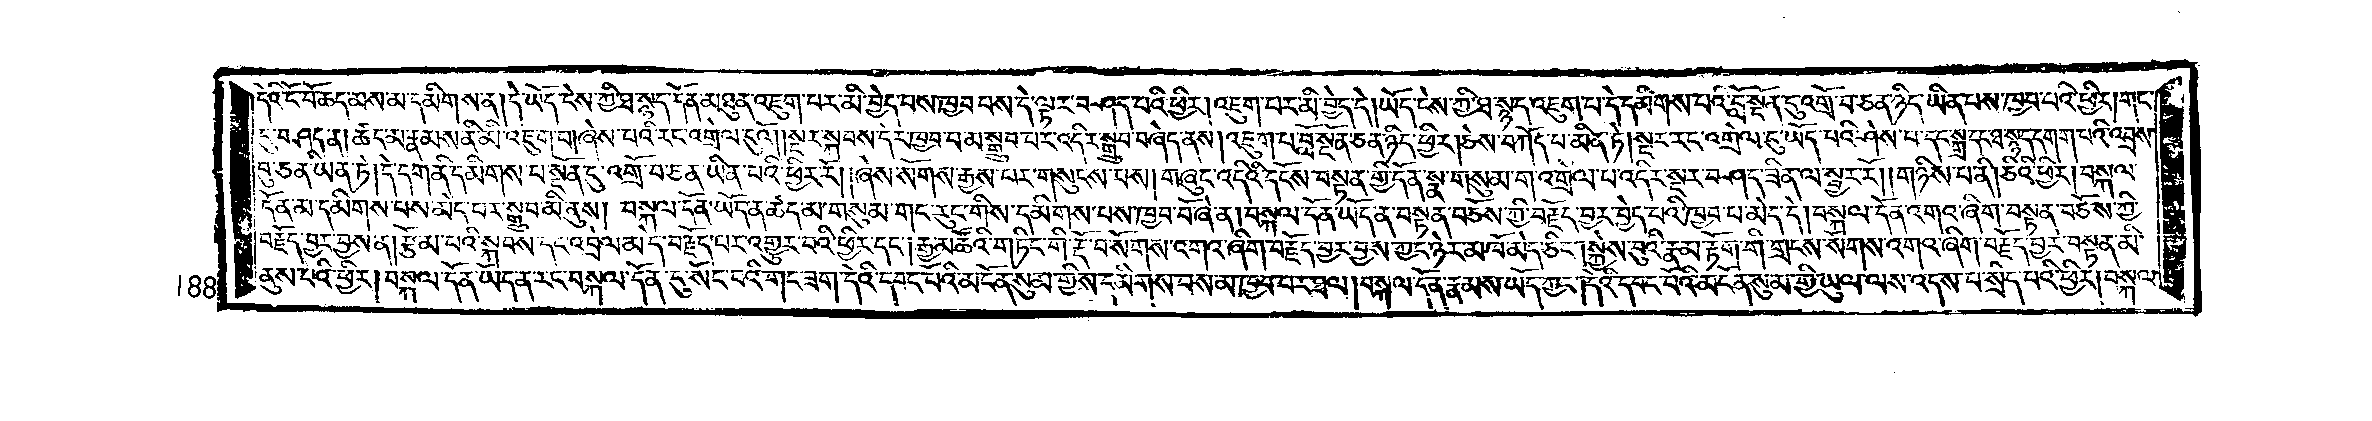དེའི་ངོ་བོ་ཚད་མས་མ་དམིགས་ན། དེ་ཡོད་ངེས་ཀྱི་ཐ་སྙད་དོན་མཐུན་འཇུག་པར་མི་བྱེད་པས་ཁྱབ་པས་དེ་ལྟར་བཤད་པའི་ཕྱིར། འཇུག་པར་མི་བྱེད་དེ། ཡོད་ངེས་ཀྱི་ཐ་སྙད་འཇུག་པ་དེ་དམིགས་པའི་བློ་སྔོན་དུ་འགྲོ་བ་ཅན་ཉིད་ཡིན་པས་ཁྱབ་པའི་ཕྱིར། གང་
དུ་བཤད་ན། ཚད་མ་རྣམས་ནི་མི་འཇུག་པ། ཞེས་པའི་རང་འགྲེལ་དུའོ། །སྔར་སྐབས་དེར་ཁྱབ་པ་མ་སྒྲུབ་པར་འདིར་སྒྲུབ་བཞེད་ནས། འཇུག་པ་བློ་སྔོན་ཅན་ཉིད་ཕྱིར། ཅེས་བཀོད་པ་མིན་ཏེ། སྔར་རང་འགྲེལ་དུ་ཡོད་པའི་ཤེས་པ་དང་སྒྲ་དང་ཐ་སྙད་དགག་པའི་འབྲས་
བུ་ཅན་ཡིན་ཏེ། དེ་དག་ནི་དམིགས་པ་སྔོན་དུ་འགྲོ་བ་ཅན་ཡིན་པའི་ཕྱིར་རོ། །ཞེས་སོགས་རྒྱས་པར་གསུངས་པས། གཞུང་འདིའི་དངོས་བསྟན་གྱི་དོན་སྣ་གསུམ་ག་འགྲེལ་པ་འདིར་སྔར་བཤད་ཟིན་ལ་སྦྱར་རོ། །གཉིས་པ་ནི། ཅིའི་ཕྱིར། བསྐལ་
དོན་མ་དམིགས་པས་མེད་པར་སྒྲུབ་མི་ནུས། བསྐལ་དོན་ཡོད་ན་ཚད་མ་གསུམ་གང་རུང་གིས་དམིགས་པས་ཁྱབ་བོ་ཞེ་ན། བསྐལ་དོན་ཡོད་ན་བསྟན་བཅོས་ཀྱི་བརྗོད་བྱར་བྱེད་པའི་ཁྱབ་པ་མེད་དེ། བསྐལ་དོན་འགའ་ཞིག་བསྟན་བཅོས་ཀྱི་
བརྗོད་བྱར་བྱས་ན། རྩོམ་པའི་སྐབས་དང་འབྲེལ་མེད་བརྗོད་པར་འགྱུར་བའི་ཕྱིར་དང་། རྒྱ་མཚོའི་གཏིང་གི་རྡོ་བ་སོགས་འགའ་ཞིག་བརྗོད་བྱར་བྱས་ཀྱང་ཉེར་མཁོ་མེད་ཅིང་། སྐྱེས་བུའི་རྣམ་རྟོག་གི་གྲངས་སོགས་འགའ་ཞིག་བརྗོད་བྱར་བསྟན་མི་
ནུས་པའི་ཕྱིར། བསྐལ་དོན་ཡོད་ན་རང་བསྐལ་དོན་དུ་སོང་བའི་གང་ཟག་དེའི་དབང་པོའི་མངོན་སུམ་གྱིས་དམིགས་པས་མ་ཁྱབ་པར་ཐལ། བསྐལ་དོན་རྣམས་ཡོད་ཀྱང་། དེའི་དབང་པོའི་མངོན་སུམ་གྱི་ཡུལ་ལས་འདས་པ་སྲིད་པའི་ཕྱིར། བསྐལ་